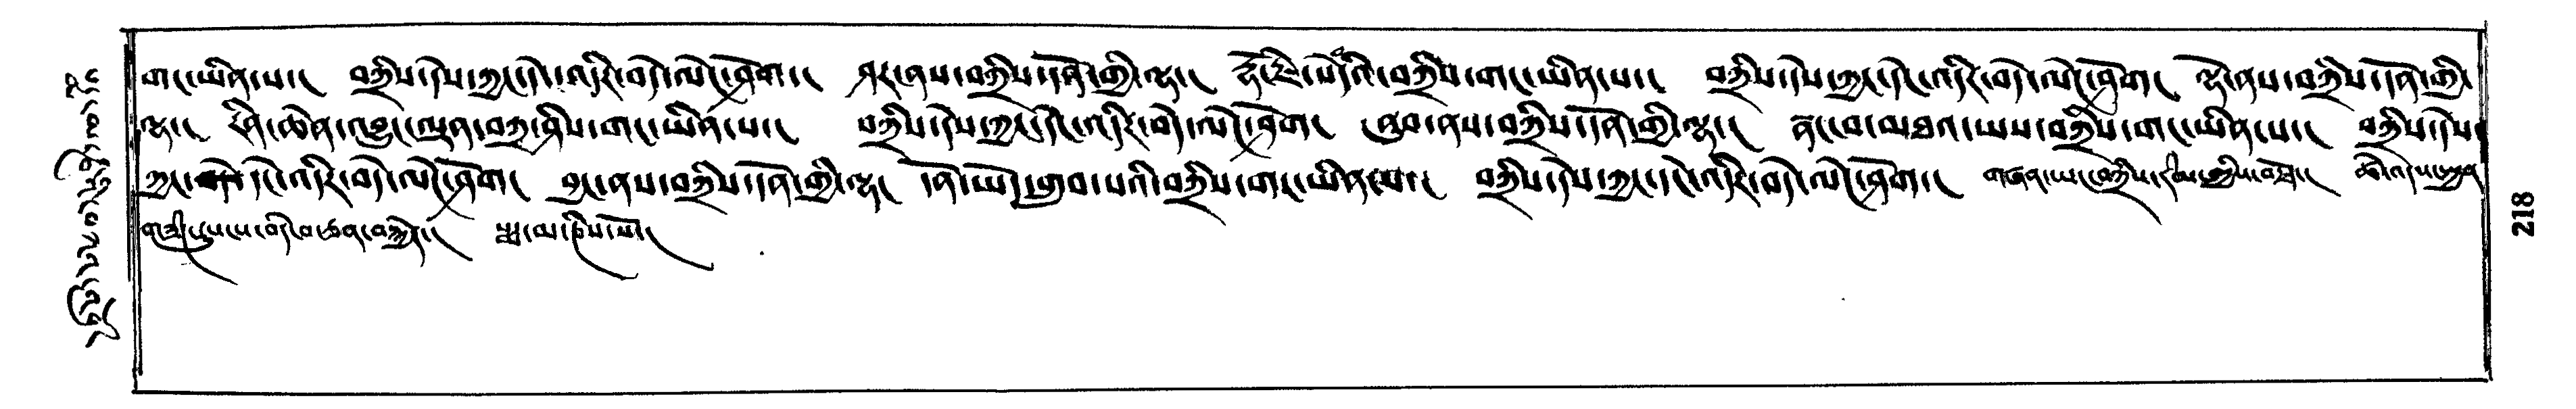གང་ཡིན་པ། །བཀྲ་ཤིས་དེསཀྱང་དེ་འདིར་བདེ་ལེགས་ཤོག །ཤར་ནས་བཀྲ་ཤིས་དོན་གྱི་ལྷ། །རྡོ་རྗེ་སེམས་དཔའི་བཀྲ་ཤིས་གང་ཡིན་པ། །བཀྲ་ཤིས་དེས་ཀྱང་དེང་འདིར་བདེ་ལེགས་ཤོག །ལྷོ་ནས་བཀྲ་ཤིས་དོན་གྱི་
ལྷ། །རིན་ཆེན་འབྱུང་ལྡན་བཀྲ་ཤིས་གང་ཡིན་པ། །བཀྲ་ཤིས་དེས་ཀྱང་དེང་འདིར་བདེ་ལེགས་ཤོག །ནུབ་ནས་བཀྲ་ཤིས་དོན་གྱི་ལྷ། །སྣང་བ་མཐའ་ཡས་བཀྲ་ཤིས་གང་ཡིན་པ། །བཀྲ་ཤིས་དེས་
ཀྱང་དེང་འདིར་བདེ་ལེགས་ཤོག །བྱང་ནས་བཀྲ་ཤིས་དོན་གྱི་ལྷ། །དོན་ཡོད་གྲུབ་པའི་བཀྲ་ཤིས་གང་ཡིན་པ། །བཀྲ་ཤིས་དེས་ཀྱང་དེང་འདིར་བདེ་ལེགས་ཤོག། །། གཞན་ཡང་བཀྲ་ཤིས་རིམ་གྱིས་བརྗོད། ཚེ་འདས་སྤྱན་
གཟིགས་དང་དུར་ས་བདེ་བ་ཅན་དུ།བསྐྱེད། པདྨ་མ་ཎིས་སོ།། །།